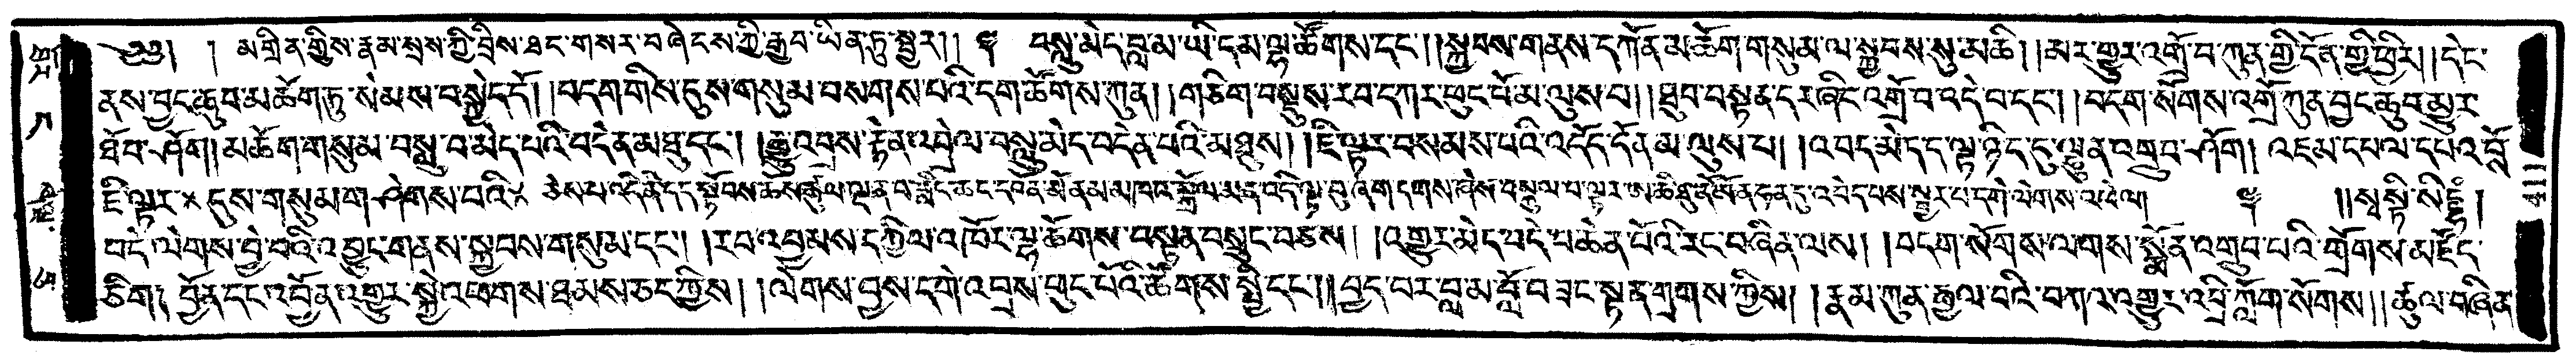༄༅། །མགྲིན་གྱིས་རྣམ་སྲས་ཀྱི་བྲིས་ཐང་གསར་བཞེངས་ཀྱི་རྒྱབ་ཡིན་ཏུ་སྦྱར། །༈ བསླུ་མེད་བླ་མ་ཡི་དམ་ལྷ་ཚོགས་དང་། །སྐྱབས་གནས་དཀོན་མཆོག་གསུམ་ལ་སྐྱབས་སུ་མཆི། །མར་གྱུར་འགྲོ་བ་ཀུན་གྱི་དོན་གྱི་ཕྱིར། །དེང་
ནས་བྱང་ཆུབ་མཆོག་ཏུ་སེམས་བསྐྱེད་དོ། །བདག་གིས་དུས་གསུམ་བསགས་པའི་དག་ཚོགས་ཀུན། །གཅིག་བསྡུས་རབ་དཀར་ཕུང་པོ་མ་ལུས་པ། །ཐུབ་བསྟན་དར་ཞིང་འགྲོ་བ་འདེ་བ་དང་། །བདག་སོགས་འགྲོ་ཀུན་བྱང་ཆུབ་མྱུར་
ཐོབ་ཤོག །མཆོག་གསུམ་བསླུ་བ་མེད་པའི་བདེན་མཐུ་དང་། །རྒྱུ་འབྲས་རྟེན་འབྲེལ་བསླུ་མེད་བདེན་པའི་མཐུས། །ཇི་ལྟར་བསམས་པའི་འདོད་དོན་མ་ལུས་པ། །འབད་མེད་ད་ལྟ་ཉིད་དུ་ལྷུན་འགྲུབ་ཤོག །འཇམ་དཔལ་དཔའ་བློ་
ཇི་ལྟར་{྾}་དུས་གསུམ་གཤེགས་པའི་{྾}་ཅེས་པ་འདི་ནི་དད་སྟོབས་ཆོས་ཚུལ་ལྡན་བ་གླིང་ཆང་དབོན་མོ་ནམ་མཁའ་སྒྲོལ་མན་འདི་ལྟ་བུ་ཞག་དགས་ཞེས་བསྐུལ་པ་ལྟར་ཨ་ཆི་ཐུ་ནོ་མོན་ཧན་དུ་འབེད་པས་སྦྱར་པ་དགེ་ལེགས་འཕེལ། ༈ །།སྭ་སྟི་སིདྡྷཾ།
བདེ་ལེགས་བྱེ་བའི་འབྱུང་གནས་སྐྱབས་གསུམ་དང་། །རབ་འབྱམས་དཀྱིལ་འཁོར་ལྷ་ཚོགས་བསྟན་བསྲུང་བཅས། །འགྱུར་མེད་བདེ་བ་ཆེན་པོའི་རང་བཞིན་ལས། །བདག་སོགས་ལགས་སྨོན་འགྲུབ་པའི་གྲོགས་མཛོད་
ཅིག །བྱོན་དང་འབྱོན་འགྱུར་སྐྱེ་འཕགས་ཐམས་ཅད་ཀྱིས། །ལེགས་བྱས་དགེ་འབྲས་ཕུང་པོའི་ཚོགས་སྤྱི་དང་། །བྱད་པར་བླ་མ་བློ་བཟང་བསྟན་གྲགས་ཀྱིས། །རྣམ་ཀུན་རྒྱལ་བའི་བཀའ་འགྱུར་འབྲི་ཀློག་སོགས། །ཚུལ་བཞིན་